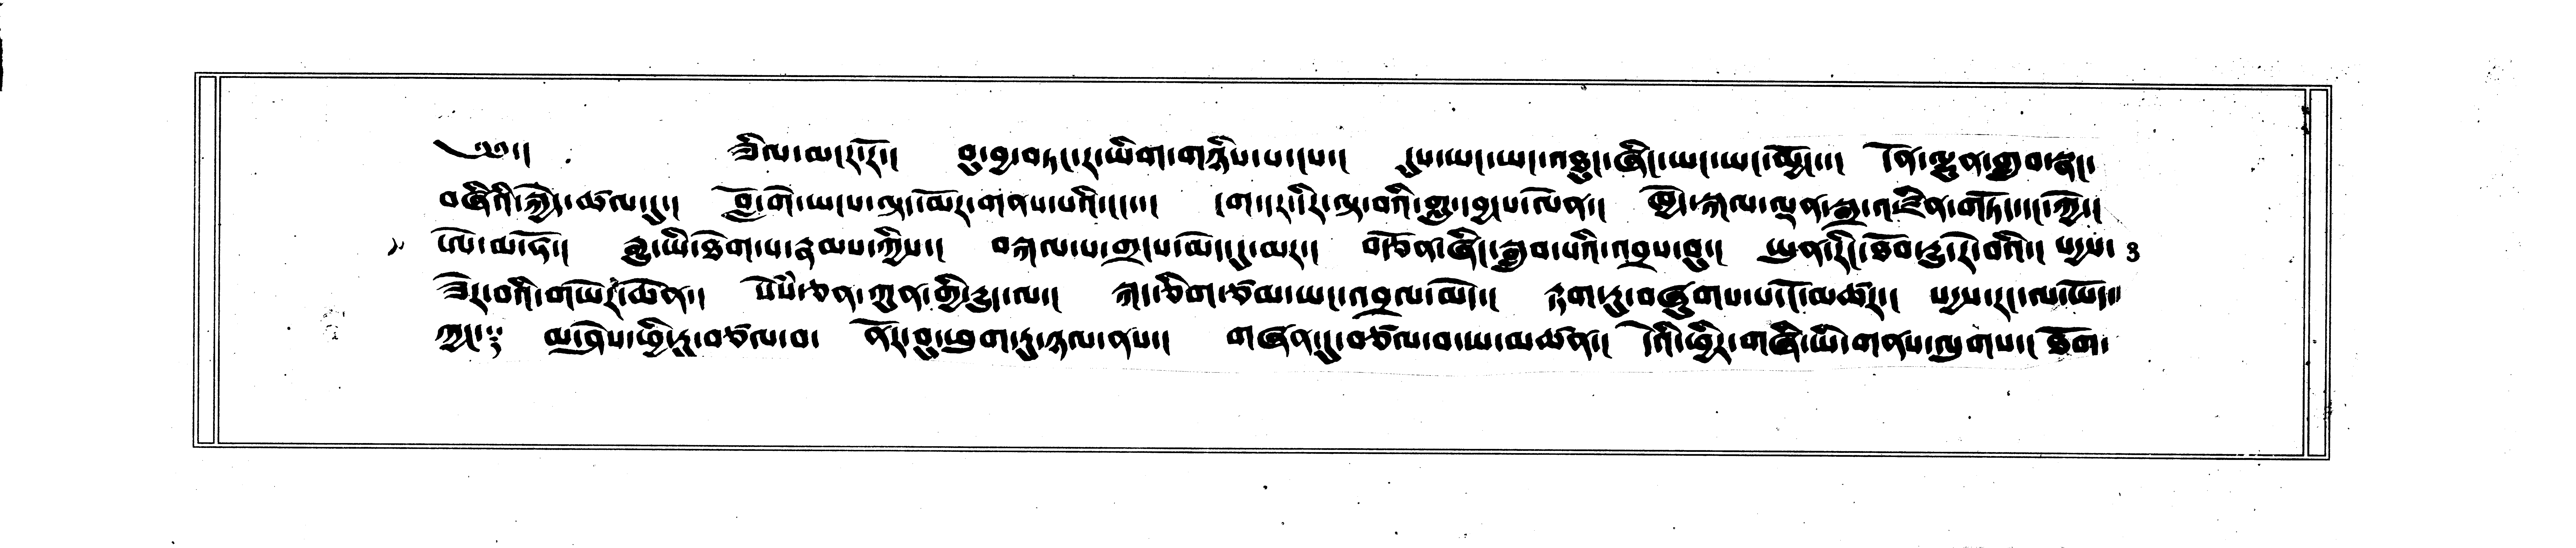ཟིལ་མངར་རོ། །བུ་བྱ་བཏང་ར་ཡིག་གཉིས་པ་ངས། །དུས་ཡང་ཡང་འཐུང་ཞིང་ཡང་ཡང་མྱོང་། །དོན་ལྷུན་གྲུབ་སྣང་
བཞིའི་སྐྱེད་ཚལ་དུ། །བློ་གེ་ཡང་ལྟད་མོར་གནས་པའི་ངང་། །ངག་དར་ལྡིར་ལྟ་བའི་གླུ་དབྱངས་ལེན། །ཁྱོད་སྐལ་ལྡན་སྒྲ་འཛིན་གཏོད་དང་ཀྱེ། །
ཨེ་མ་ཧོ། རྒྱུ་ཡི་ཐེག་པ་རྣམས་ཀྱིས། །བསྐལ་པ་གྲངས་མེད་དུ་མར། །བརྩོན་ཞིང་བསྒྲུབ་པའི་འབྲས་བུ། །ཡུན་རིང་ཐོབ་རྒྱུ་རེ་བའི། །སངས་རྒྱས་
ཟེར་བའི་གཡེར་ཆེན། །སེམས་ཅན་ཀུན་གྱི་རྒྱུད་ལ། །སྐད་ཅིག་ཙམ་ཡང་འབྲལ་མེད། །རྟག་ཏུ་བཞུགས་པ་ངོ་མཚར། །སངས་རྒྱས་རང་ལ་ཡོད་
ཀྱང་། །མ་ཤེས་ཕྱི་རུ་བཙལ་བ། །ནོར་བུ་ཕུག་ཏུ་ཉར་ནས། །གཞན་ལ་བཙལ་བ་ཡ་མཚན། །དེ་ཕྱིར་གཞི་ཡི་གནས་ལུགས། །ཐོག་